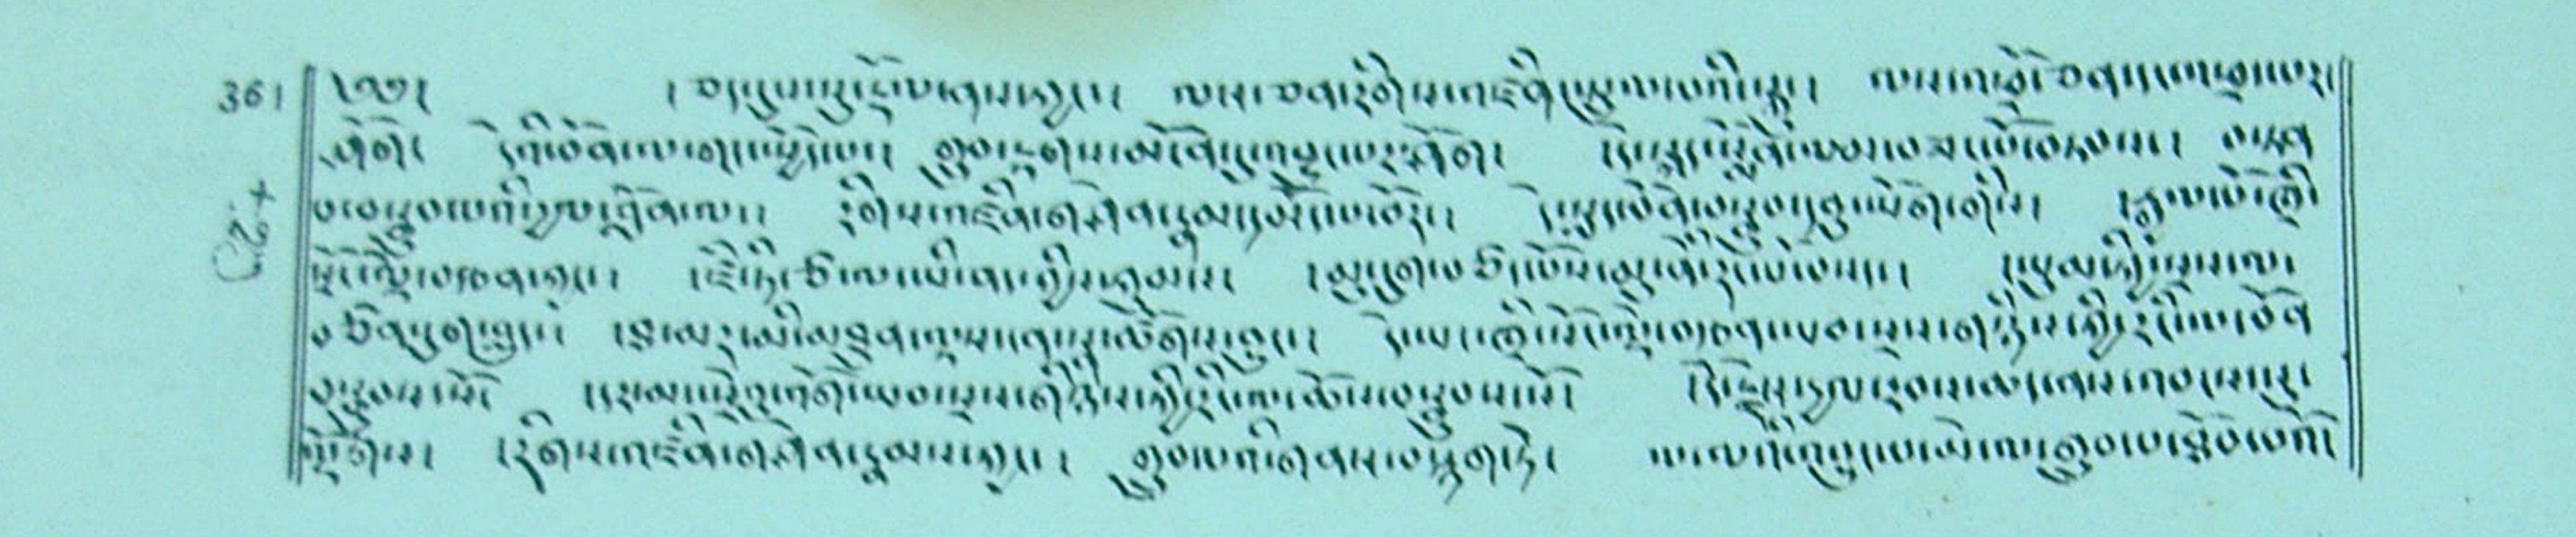༄༅། །ཅད་དུས་སུ་རྡོལ་ནས་ཀྱང་། ལས་ཅན་རིགས་འཛིན་སྤྲུལ་པའི་སྐུ། ལས་འཕྲོ་ཅན་དང་ཕྲད་པར་
ཤོག དེའི་བོན་ལ་གང་སྤྱོད་པ། གྲུབ་རྟགས་མངོན་དུ་འབྱུང་བར་ཤོག དེ་སྐད་སྨོན་ལམ་བཟང་པོ་བཏབ། བསྟན་
པ་བསྣུབ་པའི་རྒྱལ་བློན་ལ། རིགས་འཛིན་གཤེན་རྣམ་དམོད་པ་བོར། དེ་སླད་བོན་བསྣུབ་དབུ་ཡོག་གིས། རྒྱལ་བོ་ཁྲི་
སྲོང་ལྡེ་བཙན་ཀྱང་། ཛི་ཏི་ཙ་ལ་ཡི་ནད་ཀྱིས་ཀུམས། མུ་དུག་བཙད་པོས་མུ་ནེ་རིང་པོ་བསད། ཡུམ་གྱིས་སྲས་ལ་
བཙན་དུག་བླུད། ཐ་མར་མི་མཐུན་ལྟས་ངན་སྣ་ཚོགས་བྱུང་། དེ་ཡང་ཁྲི་སྲོང་ལྡེ་བཙན་ཡབ་སྲས་གཉིས་ཀྱི་རིང་ལ་བོན་
བསྣུབས་སོ། དར་མ་སྤྲེའུ་མགོ་ཡབ་སྲས་གཉིས་ཀྱི་རིང་ལ་ཆོས་བསྣུབས་སོ། །དེ་རྗེས་རྒྱལ་རབས་ཆད་ནས་འབངས་སུ་
ལྡོགས། རིགས་འཛིན་གཤེན་རྣམས་ཀྱང་། གྲུབ་པའི་གནས་བསྙེགས་ཏེ། ལ་ལ་ཡིས་འབྱུང་བ་མེ་ལ་གྲུབ་པ་ཐོབ་པའོ། །